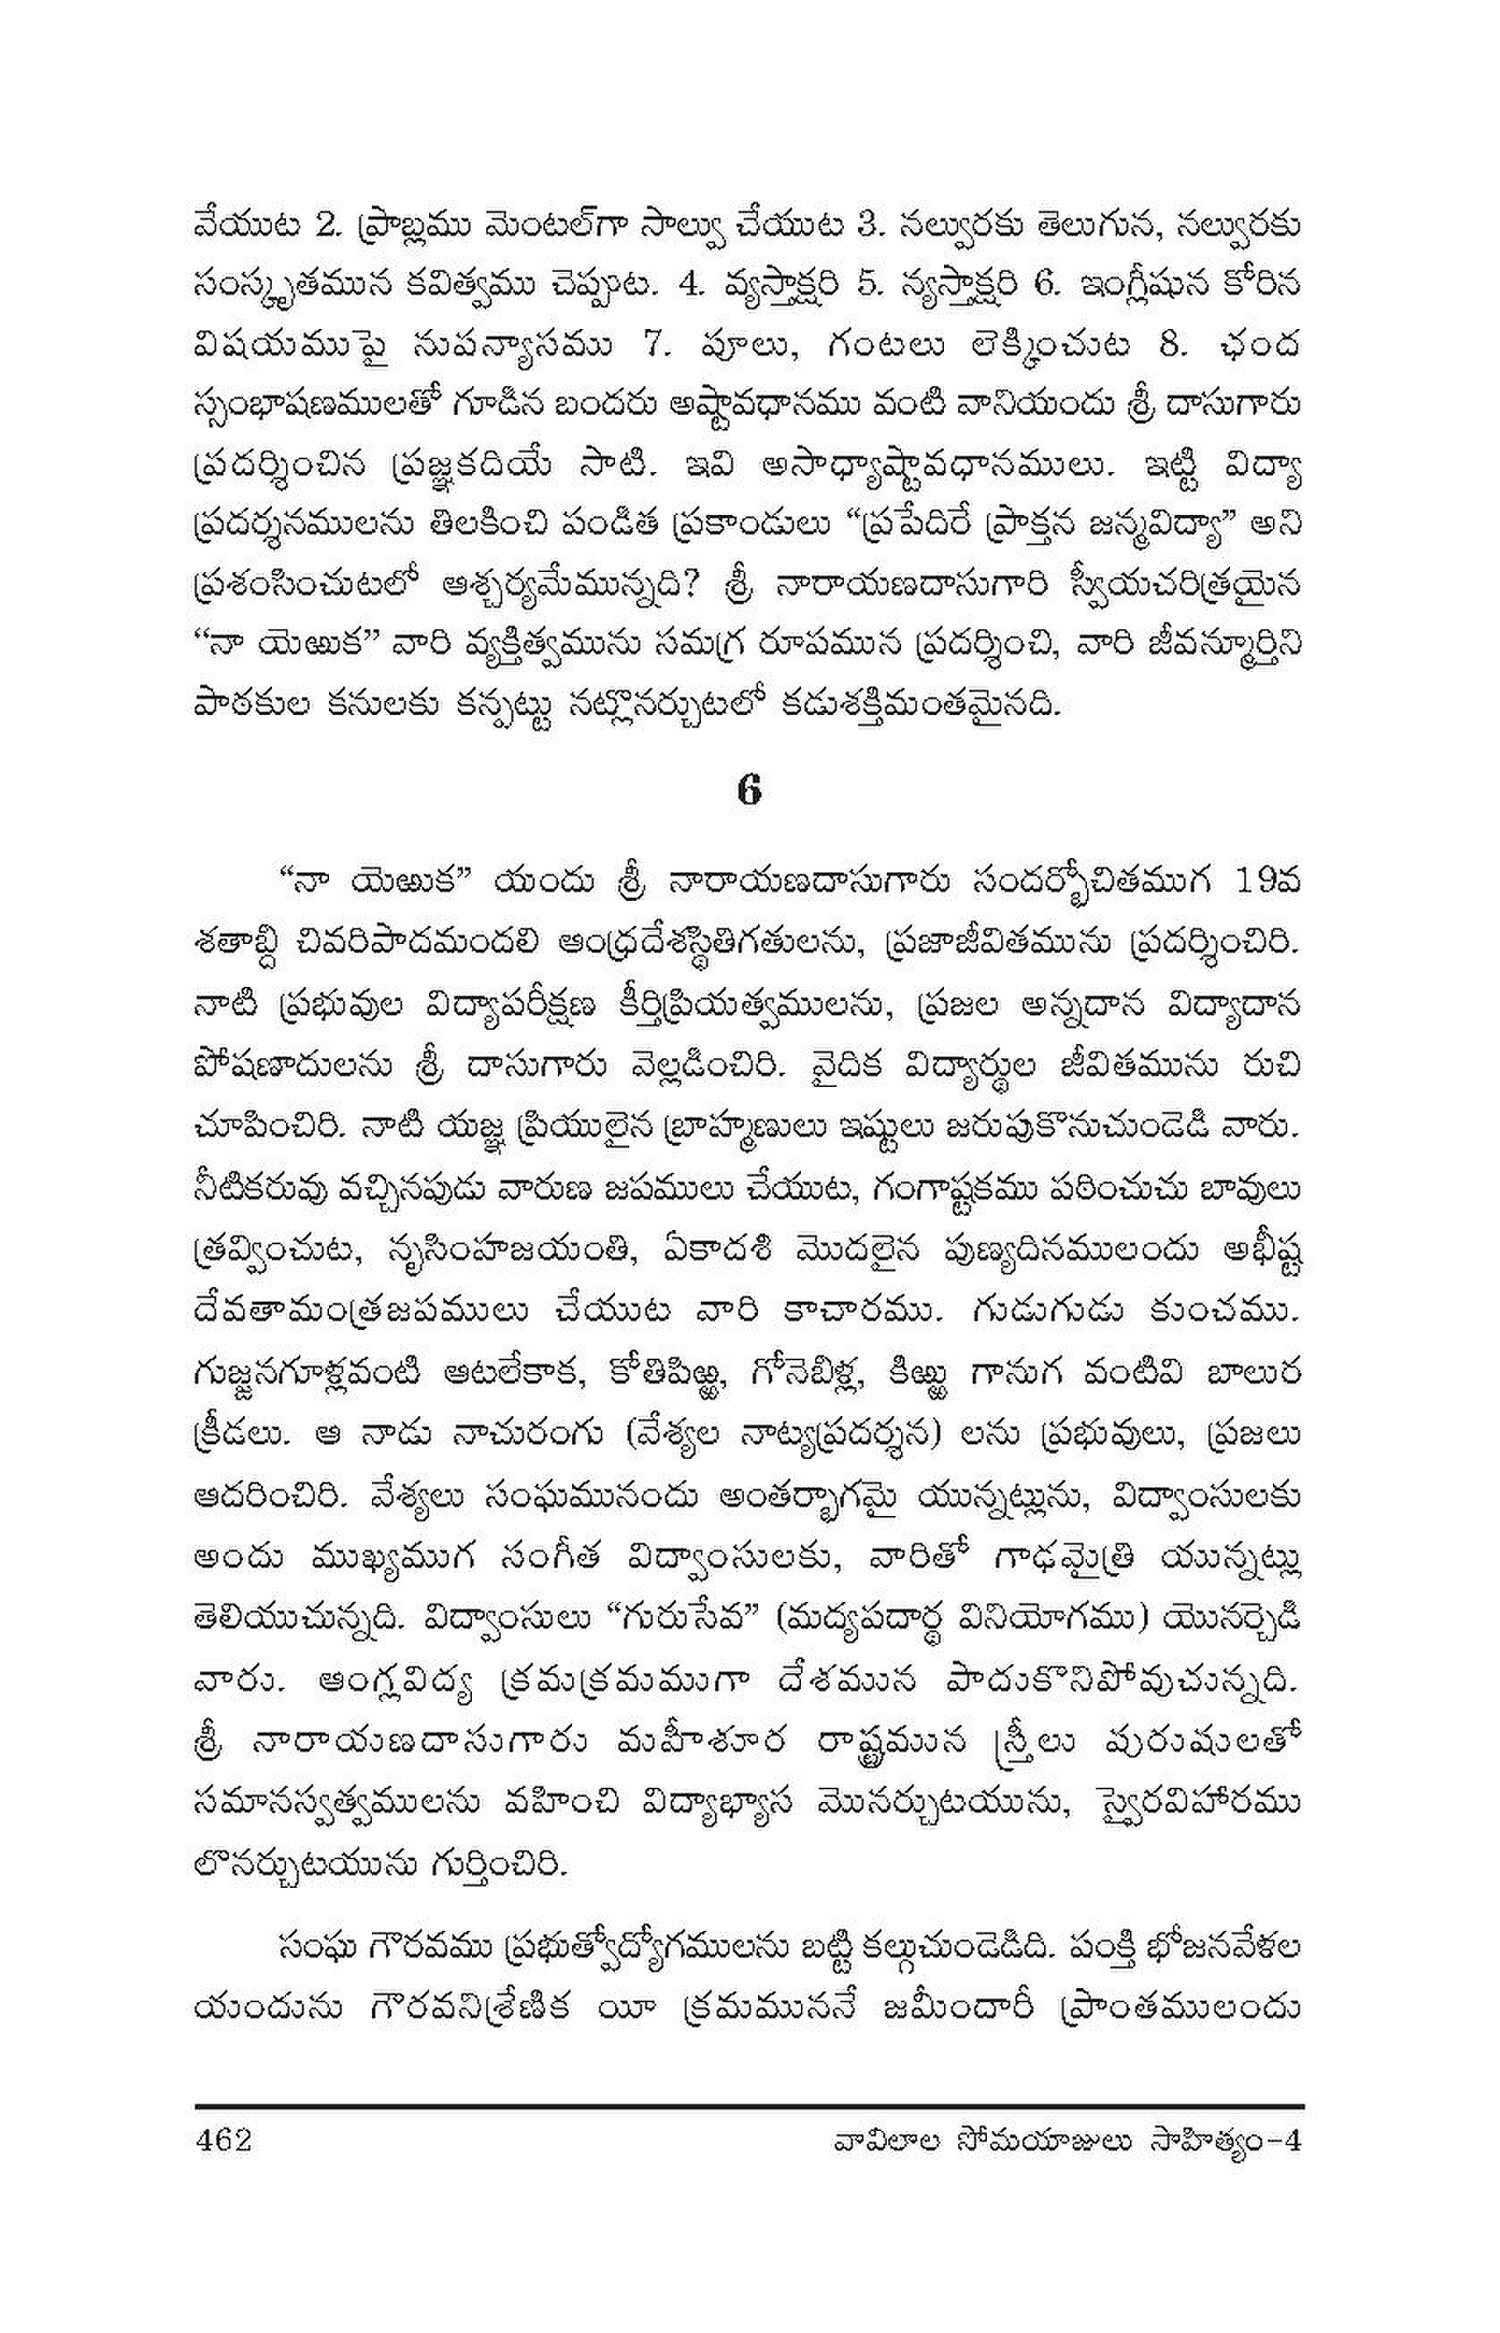వేయుట 2. ప్రాబ్లము మెంటల్ గా సాల్వు చేయుట 3. నల్వురకు తెలుగున, నల్వురకు
సంస్కృతమున కవిత్వము చెప్పుట. 4. వ్యస్తాక్షరి 5. న్యస్తాక్షరి 6. ఇంగ్లీషున కోరిన
విషయముపై నుపన్యాసము 7. పూలు, గంటలు లెక్కించుట 8. ఛంద
స్సంభాషణములతో గూడిన బందరు అష్టావధానము వంటి వానియందు శ్రీ దాసుగారు
ప్రదర్శించిన ప్రజ్ఞకదియే సాటి. ఇవి అసాధ్యాష్టావధానములు. ఇట్టి విద్యా
ప్రదర్శనములను తిలకించి పండిత ప్రకాండులు "ప్రపేదిరే ప్రాక్తన జన్మవిద్యా" అని
ప్రశంసించుటలో ఆశ్చర్యమేమున్నది? శ్రీ నారాయణదాసుగారి స్వీయచరిత్రయైన
“నా యెఱుక” వారి వ్యక్తిత్వమును సమగ్ర రూపమున ప్రదర్శించి, వారి జీవన్మూర్తిని
పాఠకుల కనులకు కన్నట్టు నల్లొనర్చుటలో కడుశక్తిమంతమైనది.
“నా యెఱుక" యందు శ్రీ నారాయణదాసుగారు సందర్భోచితముగ 19వ
శతాబ్ది చివరిపాదమందలి ఆంధ్రదేశస్థితిగతులను, ప్రజాజీవితమును ప్రదర్శించిరి.
నాటి ప్రభువుల విద్యాపరీక్షణ కీర్తిప్రియత్వములను, ప్రజల అన్నదాన విద్యాదాన
పోషణాదులను శ్రీ దాసుగారు వెల్లడించిరి. వైదిక విద్యార్థుల జీవితమును రుచి
చూపించిరి. నాటి యజ్ఞ ప్రియులైన బ్రాహ్మణులు ఇష్టులు జరుపుకొనుచుండెడి వారు.
నీటికరువు వచ్చినపుడు వారుణ జపములు చేయుట, గంగాష్టకము పఠించుచు బావులు
త్రవ్వించుట, నృసింహజయంతి, ఏకాదశి మొదలైన పుణ్యదినములందు అభీష్ట
దేవతామంత్రజపములు చేయుట వారి కాచారము. గుడుగుడు కుంచము.
గుజ్జనగూళ్లవంటి ఆటలేకాక, కోతిపిఱ్ఱ, గోనెబిళ్ల, కిఱ్ఱు గానుగ వంటివి బాలుర
క్రీడలు. ఆ నాడు నాచురంగు (వేశ్యల నాట్యప్రదర్శన) లను ప్రభువులు, ప్రజలు
ఆదరించిరి. వేశ్యలు సంఘమునందు అంతర్భాగమై యున్నట్లును, విద్వాంసులకు
అందు ముఖ్యముగ సంగీత విద్వాంసులకు, వారితో గాఢమైత్రి యున్నట్లు
తెలియుచున్నది. విద్వాంసులు “గురుసేవ" (మద్యపదార్థ వినియోగము) యొనర్చెడి
వారు. ఆంగ్లవిద్య క్రమక్రమముగా దేశమున పాదుకొనిపోవుచున్నది.
శ్రీ నారాయణదాసుగారు మహీశూర రాష్ట్రమున స్త్రీలు పురుషులతో
సమానస్వత్వములను వహించి విద్యాభ్యాస మొనర్చుటయును, స్వైరవిహారము
లొనర్చుటయును గుర్తించిరి.

సంఘ గౌరవము ప్రభుత్వోద్యోగములను బట్టి కల్గుచుండెడిది. పంక్తి భోజనవేళల
యందును గౌరవనిశ్రేణిక యీ క్రమముననే జమీందారీ ప్రాంతములందు